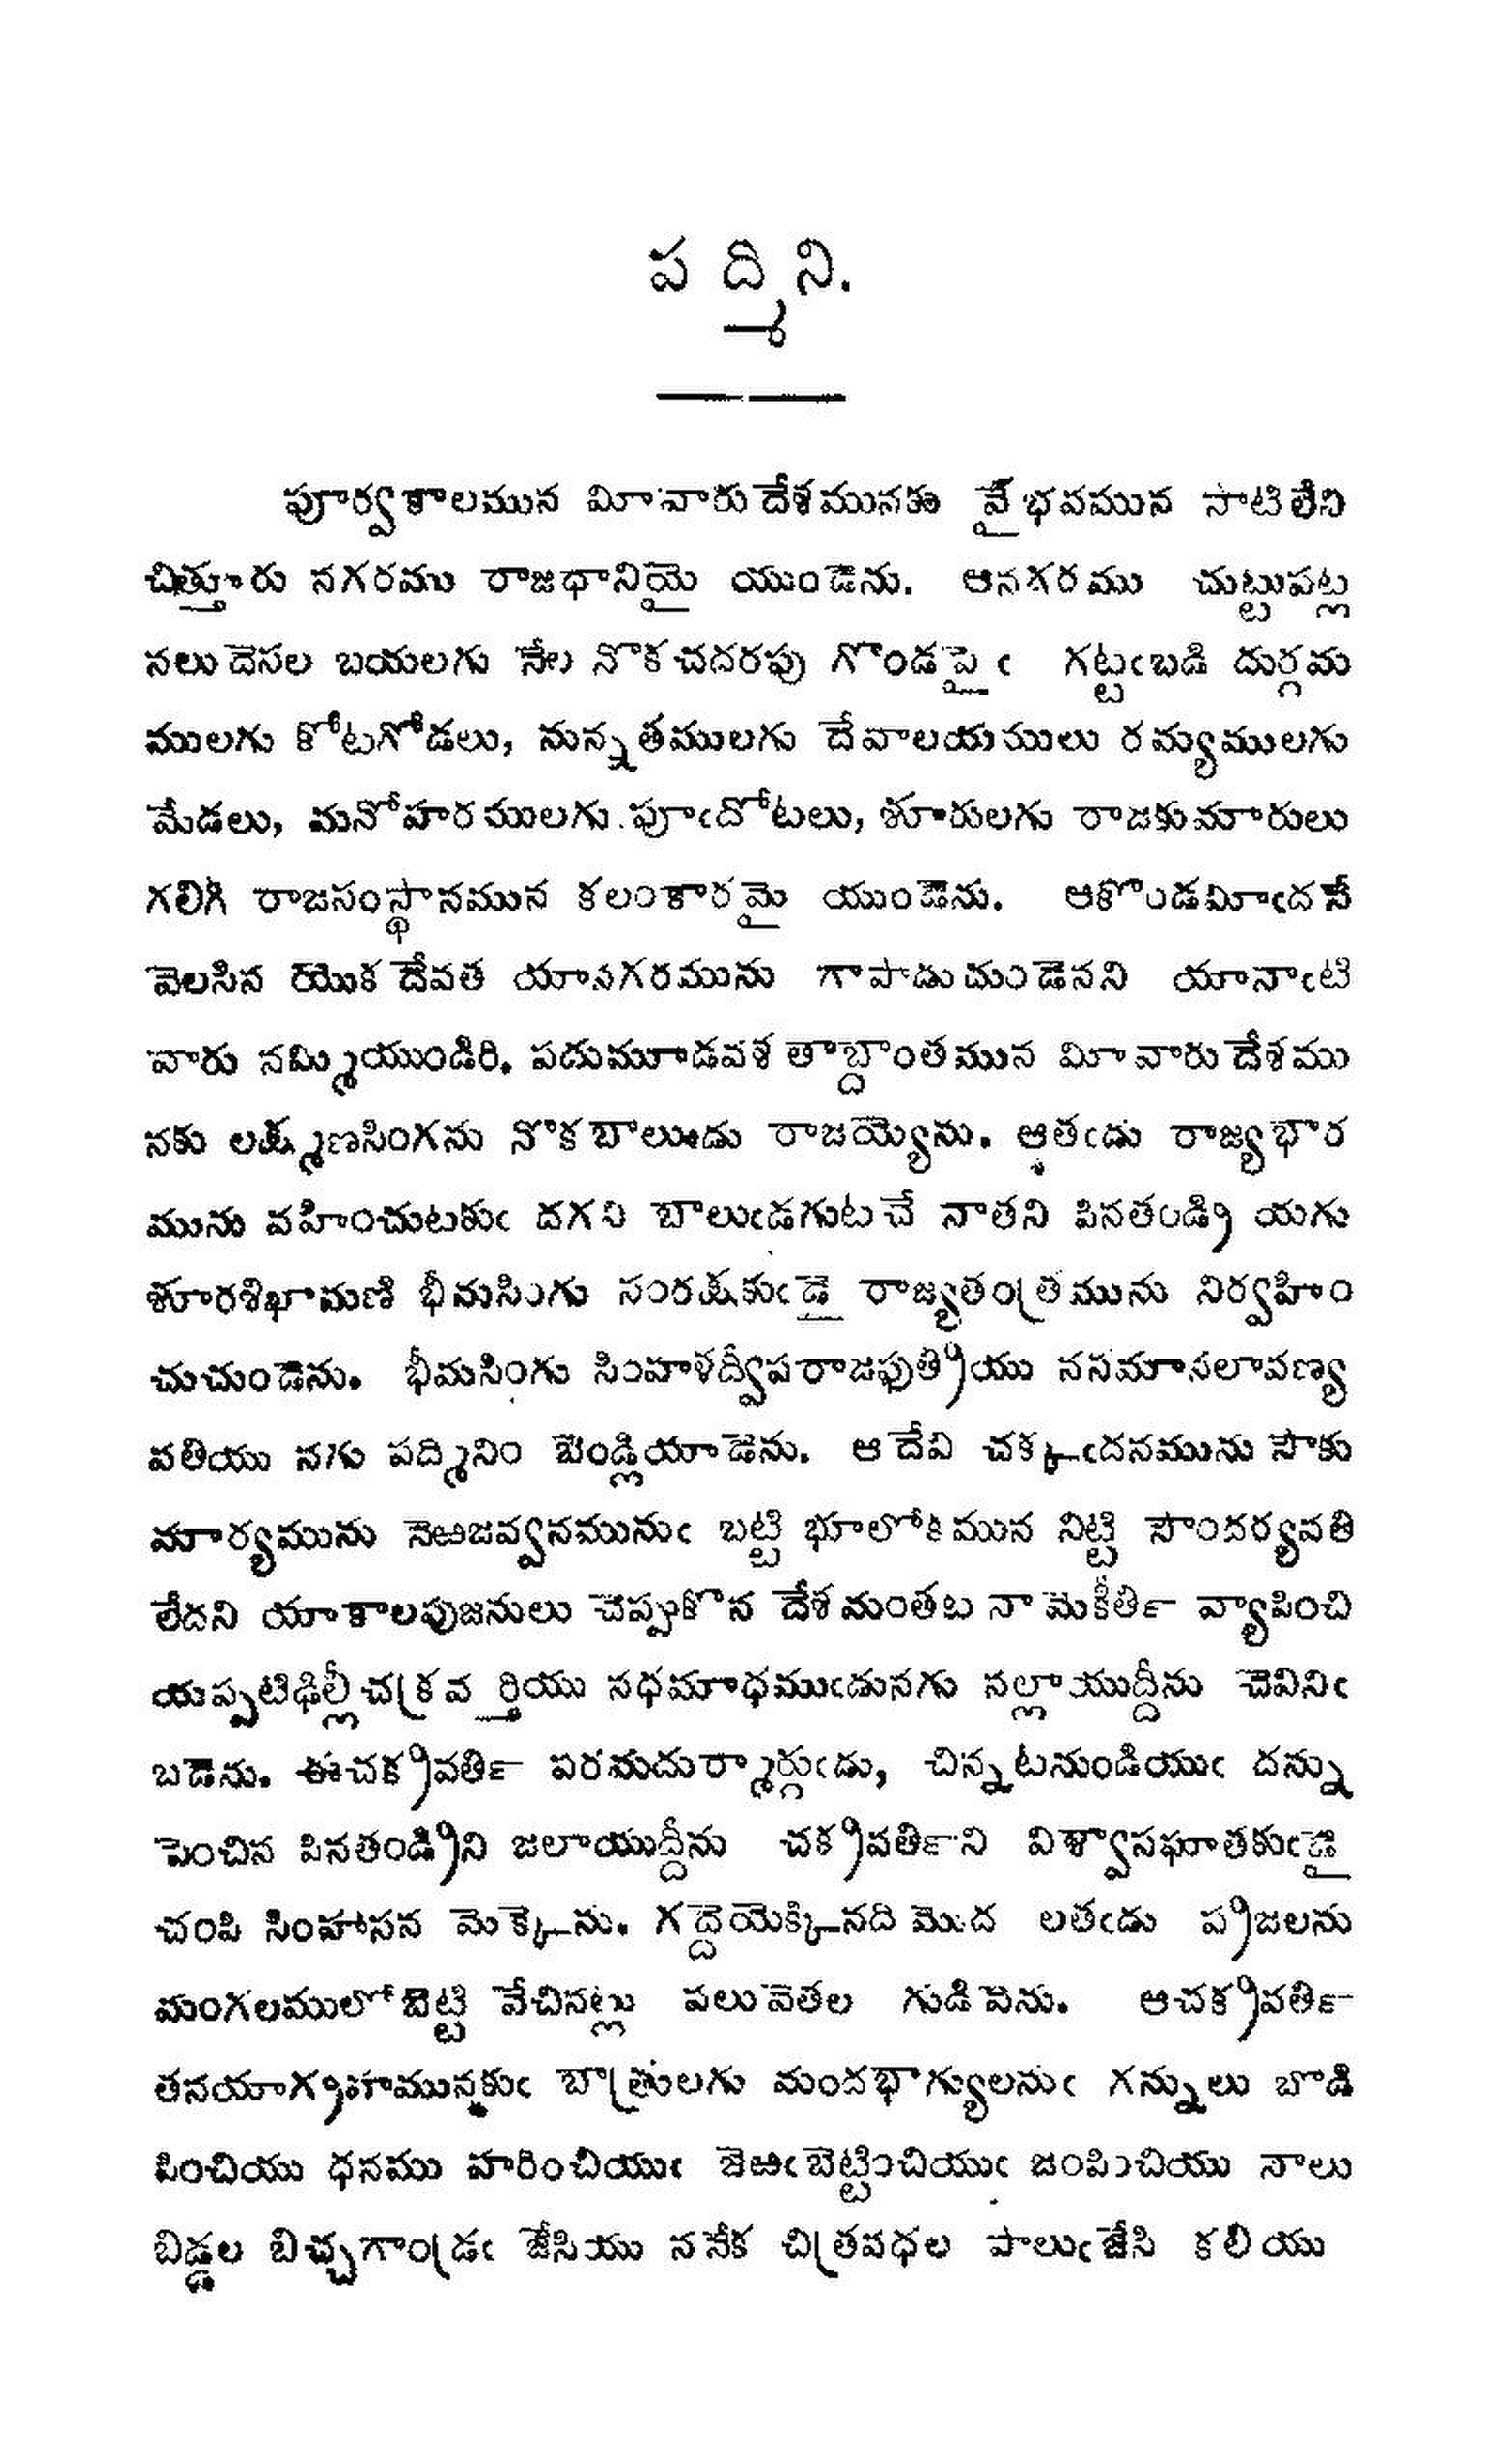పద్మిని.

పూర్వకాలమున మేవారుదేశమునకు వైభవమున సాటిలేని చిత్తూరు నగరము రాజధానియై యుండెను. ఆనగరము చుట్టుపట్ల నలుదెసల బయలగు నేల నొకచదరపు గొండపైఁ గట్టఁబడి దుర్గమములగు కోటగోడలు, నున్నతములగు దేవాలయములు రమ్యములగు మేడలు, మనోహరములగు పూఁదోటలు, శూరులగు రాజకుమారులు గలిగి రాజసంస్థానమున కలంకారమై యుండెను. ఆకొండమీఁదనే వెలసిన యొకదేవత యానగరమును గాపాడుచుండెనని యానాఁటివారు నమ్మియుండిరి. పడుమూడవ శతాబ్దాంతమున మేవారుదేశమునకు లక్ష్మణసింగను నొకబాలుడు రాజయ్యెను. ఆతఁడు రాజ్యభారమును వహించుటకుఁ దగని బాలుఁడగుటచే నాతని పినతండ్రి యగు శూరశిఖామణి భీనుసింగు సంరక్షకుఁడై రాజ్యతంత్రమును నిర్వహించుచుండెను. భీమసింగు సింహళద్వీపరాజపుత్రియు నసమానలావణ్యవతియు నగు పద్మినిం బెండ్లియాడెను. ఆదేవి చక్కఁదనమును సౌకుమార్యమును నెఱజవ్వనమునుఁ బట్టి భూలోకమున నిట్టి సౌందర్యవతి లేదని యాకాలపుజనులు చెప్పుకొన దేశమంతట నామెకీతి౯ వ్యాపించి యప్పటి ఢిల్లీచక్రవర్తియు నధమాధముఁడునగు నల్లాయుద్దీను చెవినిఁబడెను. ఈచక్రవతి౯ పరమదుర్మార్గుఁడు, చిన్నటనుండియుఁ దన్ను పెంచిన పినతండ్రిని జలాయుద్దీను చక్రవతి౯ని విశ్వాసఘాతకుఁడై చంపి సింహాసన మెక్కెను. గద్దెయెక్కినది మొద లతఁడు ప్రజలను మంగలములోబెట్టి వేచినట్లు పలువెతల గుడివెను. ఆచక్రవతి౯ తనయాగ్రహమునకుఁ బాత్రులగు మందభాగ్యులనుఁ గన్నులు బొడిపించియు ధనము హరించియుఁ జెఱఁబెట్టించియుఁ జంపించియు నాలుబిడ్డల బిచ్చగాండ్రఁ జేసియు ననేక చిత్రవధల పాలుఁజేసి కలియు